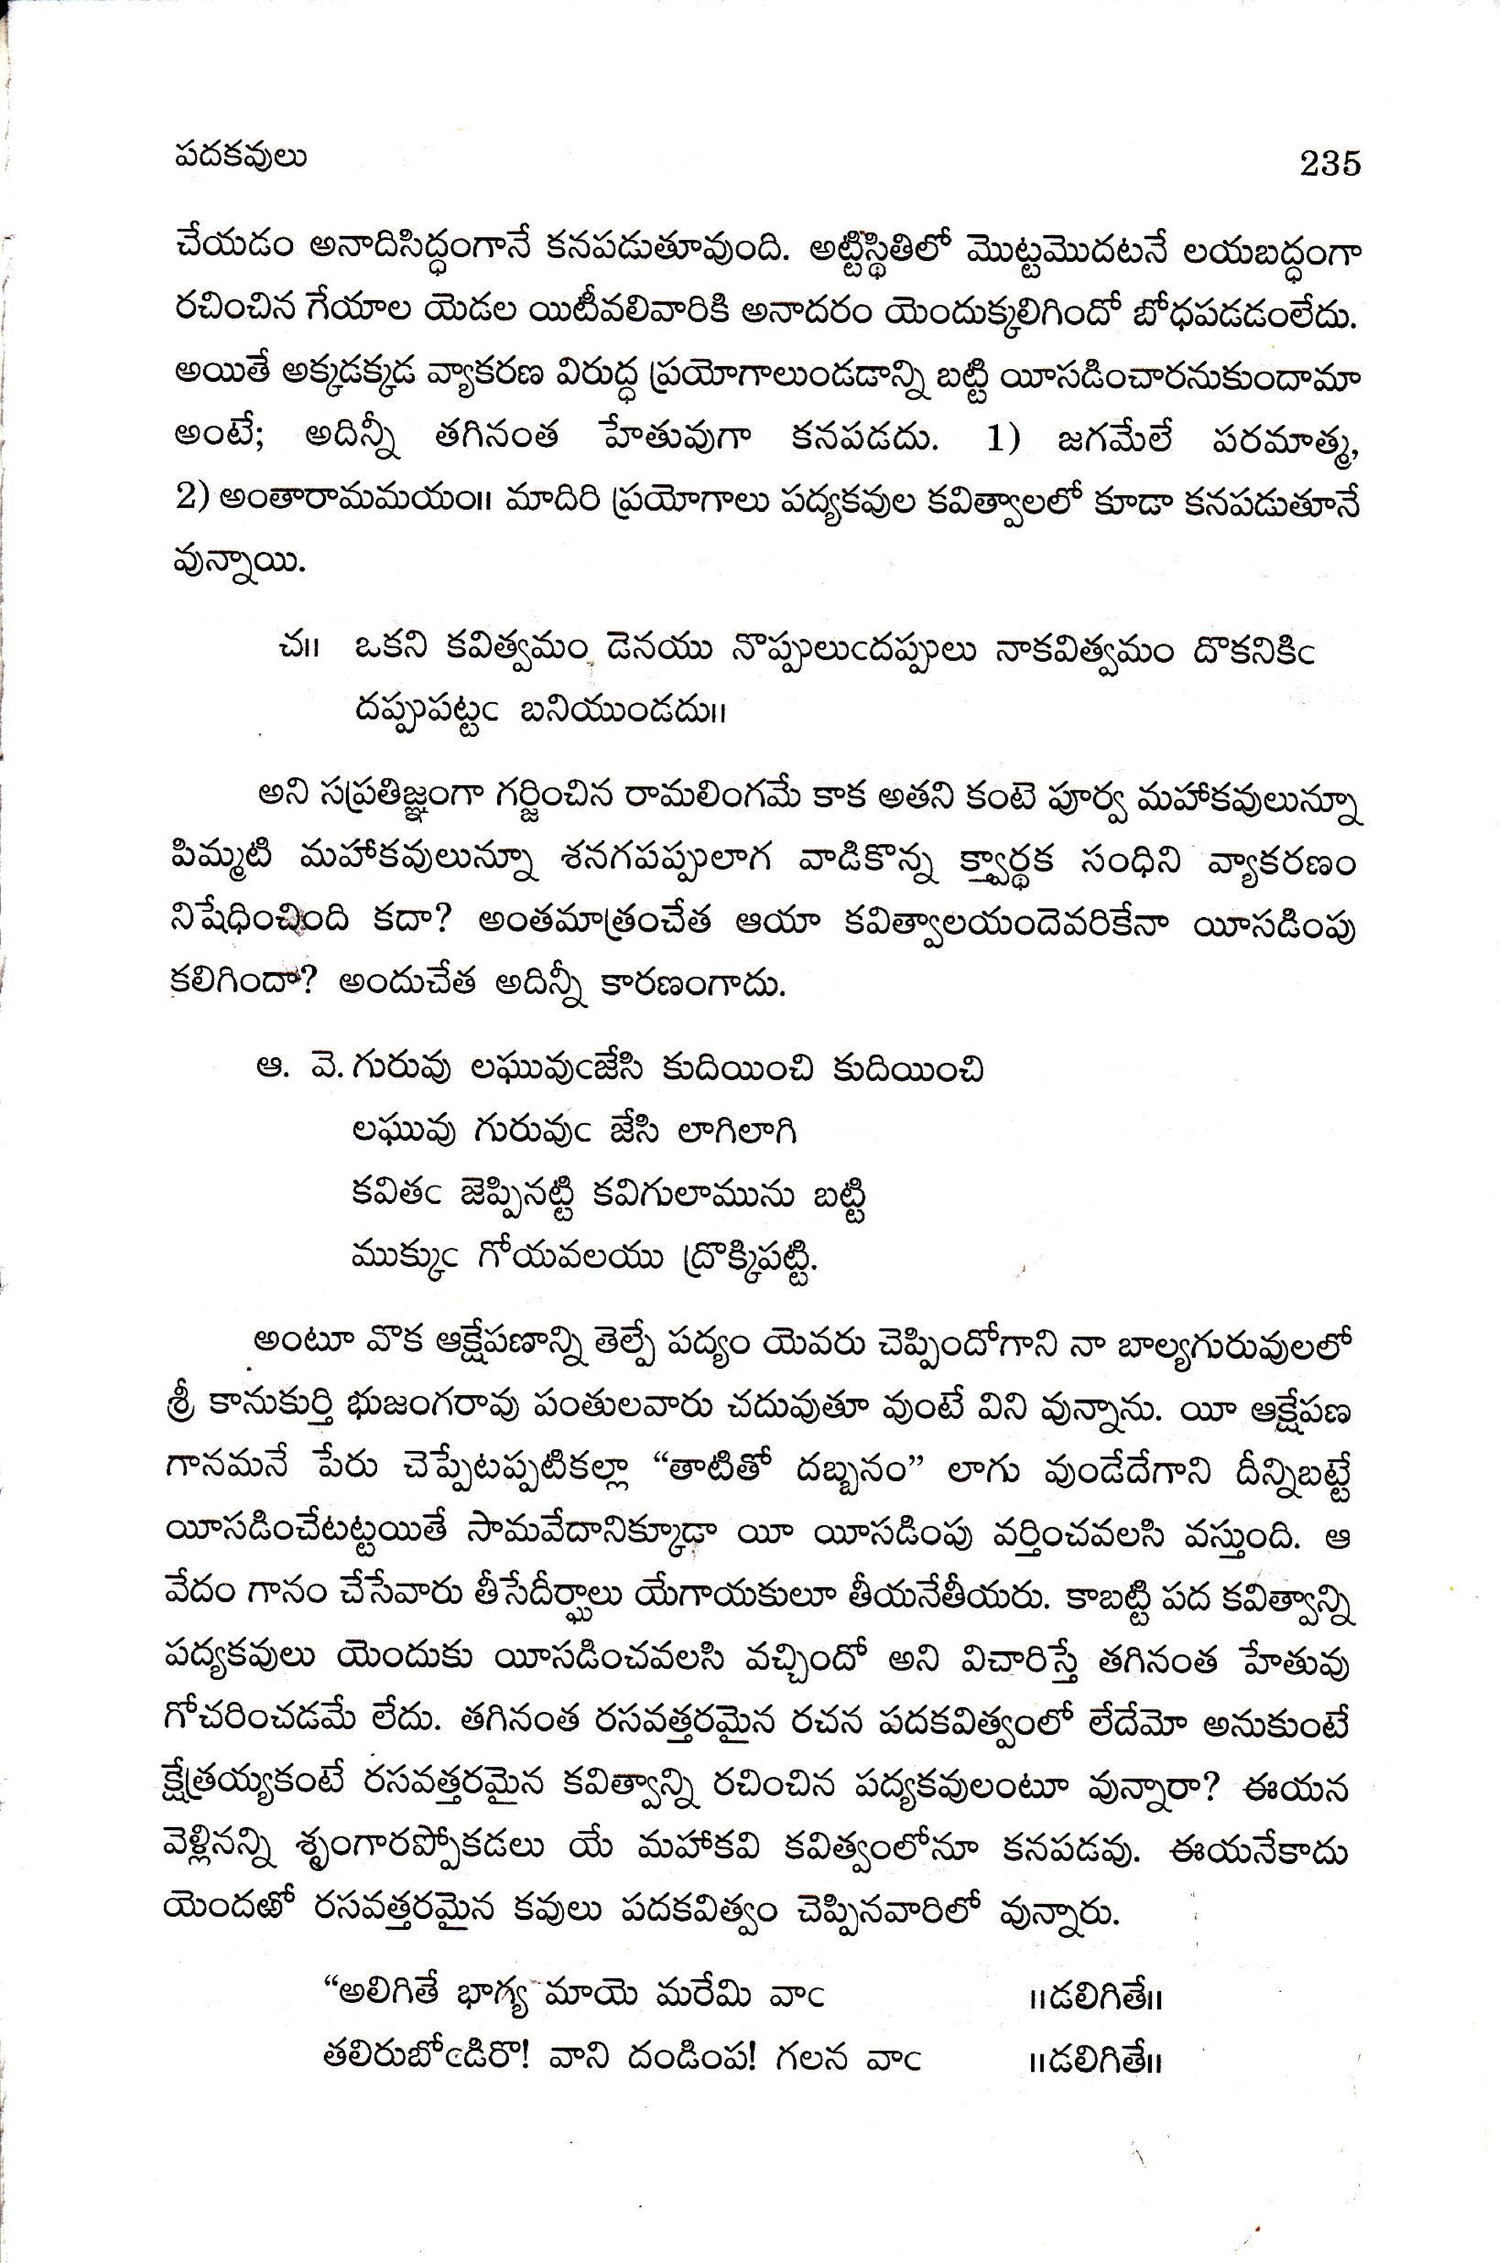చేయడం అనాదిసిద్ధంగానే కనపడుతూవుంది. అట్టిస్థితిలో మొట్టమొదటనే లయబద్ధంగా రచించిన గేయాల యెడల యిటీవలివారికి అనాదరం యెందుక్కలిగిందో బోధపడడంలేదు. అయితే అక్కడక్కడ వ్యాకరణ విరుద్ధ ప్రయోగాలుండడాన్ని బట్టి యీసడించారనుకుందామా అంటే; అదిన్నీ తగినంత హేతువుగా కనపడదు. 1) జగమేలే పరమాత్మ, 2) అంతారామమయం! మాదిరి ప్రయోగాలు పద్యకవుల కవిత్వాలలో కూడా కనపడుతూనే వున్నాయి.

చ! ఒకని కవిత్వమం డెనయు నొప్పులుఁదప్పులు నాకవిత్వమం దొకనికిఁ దప్పుపట్టఁ బనియుండదు!!
అని సప్రతిజ్ఞంగా గర్జించిన రామలింగమే కాక అతని కంటె పూర్వ మహాకవులున్నూ పిమ్మటి మహాకవులున్నూ శనగపప్పులాగ వాడికొన్న క్త్వార్ధక సంధిని వ్యాకరణం నిషేధించింది కదా? అంతమాత్రంచేత ఆయా కవిత్వాలయందెవరికేనా యీసడింపు కలిగిందా? అందుచేత అదిన్నీ కారణంగాదు.

ఆ వె. గురువు లఘువుఁజేసి కుదియుంచి కుదియించి
 లఘువు గురువుఁ జేసి లాగిలాగి 
 కవితఁ జెప్పినట్టి కవిగులామును బట్టి 
 ముక్కుఁ గోయవలయు ద్రొక్కిపట్టి.
అంటూ వొక ఆక్షేపణాన్ని తెల్చే పద్యం యెవరు చెప్పిందోగాని నా బాల్యగురువులలో శ్రీ కానుకుర్తి భుజంగరావు పంతులవారు చదువుతూ వుంటే విని వున్నాను. యీ ఆక్షేపణ గానమనే పేరు చెప్పేటప్పటికల్లా “తాటితో దబ్బనం" లాగు వుండేదేగాని దీన్నిబట్టే యీసడించేటట్టయితే సామవేదానిక్కూడా యీ యీసడింపు వర్తించవలసి వస్తుంది. ఆ వేదం గానం చేసేవారు తీసేదీర్ఘాలు యేగాయకులూ తీయనేతీయరు. కాబట్టి పద కవిత్వాన్ని పద్యకవులు యెందుకు యీసడించవలసి వచ్చిందో అని విచారిస్తే తగినంత హేతువు గోచరించడమే లేదు. తగినంత రసవత్తరమైన రచన పదకవిత్వంలో లేదేమో అనుకుంటే క్షేత్రయ్యకంటే రసవత్తరమైన కవిత్వాన్ని రచించిన పద్యకవులంటూ వున్నారా? ఈయన వెళ్లినన్ని శృంగారప్పోకడలు యే మహాకవి కవిత్వంలోనూ కనపడవు. ఈయనేకాదు యెందఱో రసవత్తరమైన కవులు పదకవిత్వం చెప్పినవారిలో వున్నారు.

“అలిగితే భాగ్య మాయె మరేమి వాఁ ||డలిగితే|| 
తలిరుబోఁడిరొ! వాని దండింప! గలన వాc ||డలిగితే||